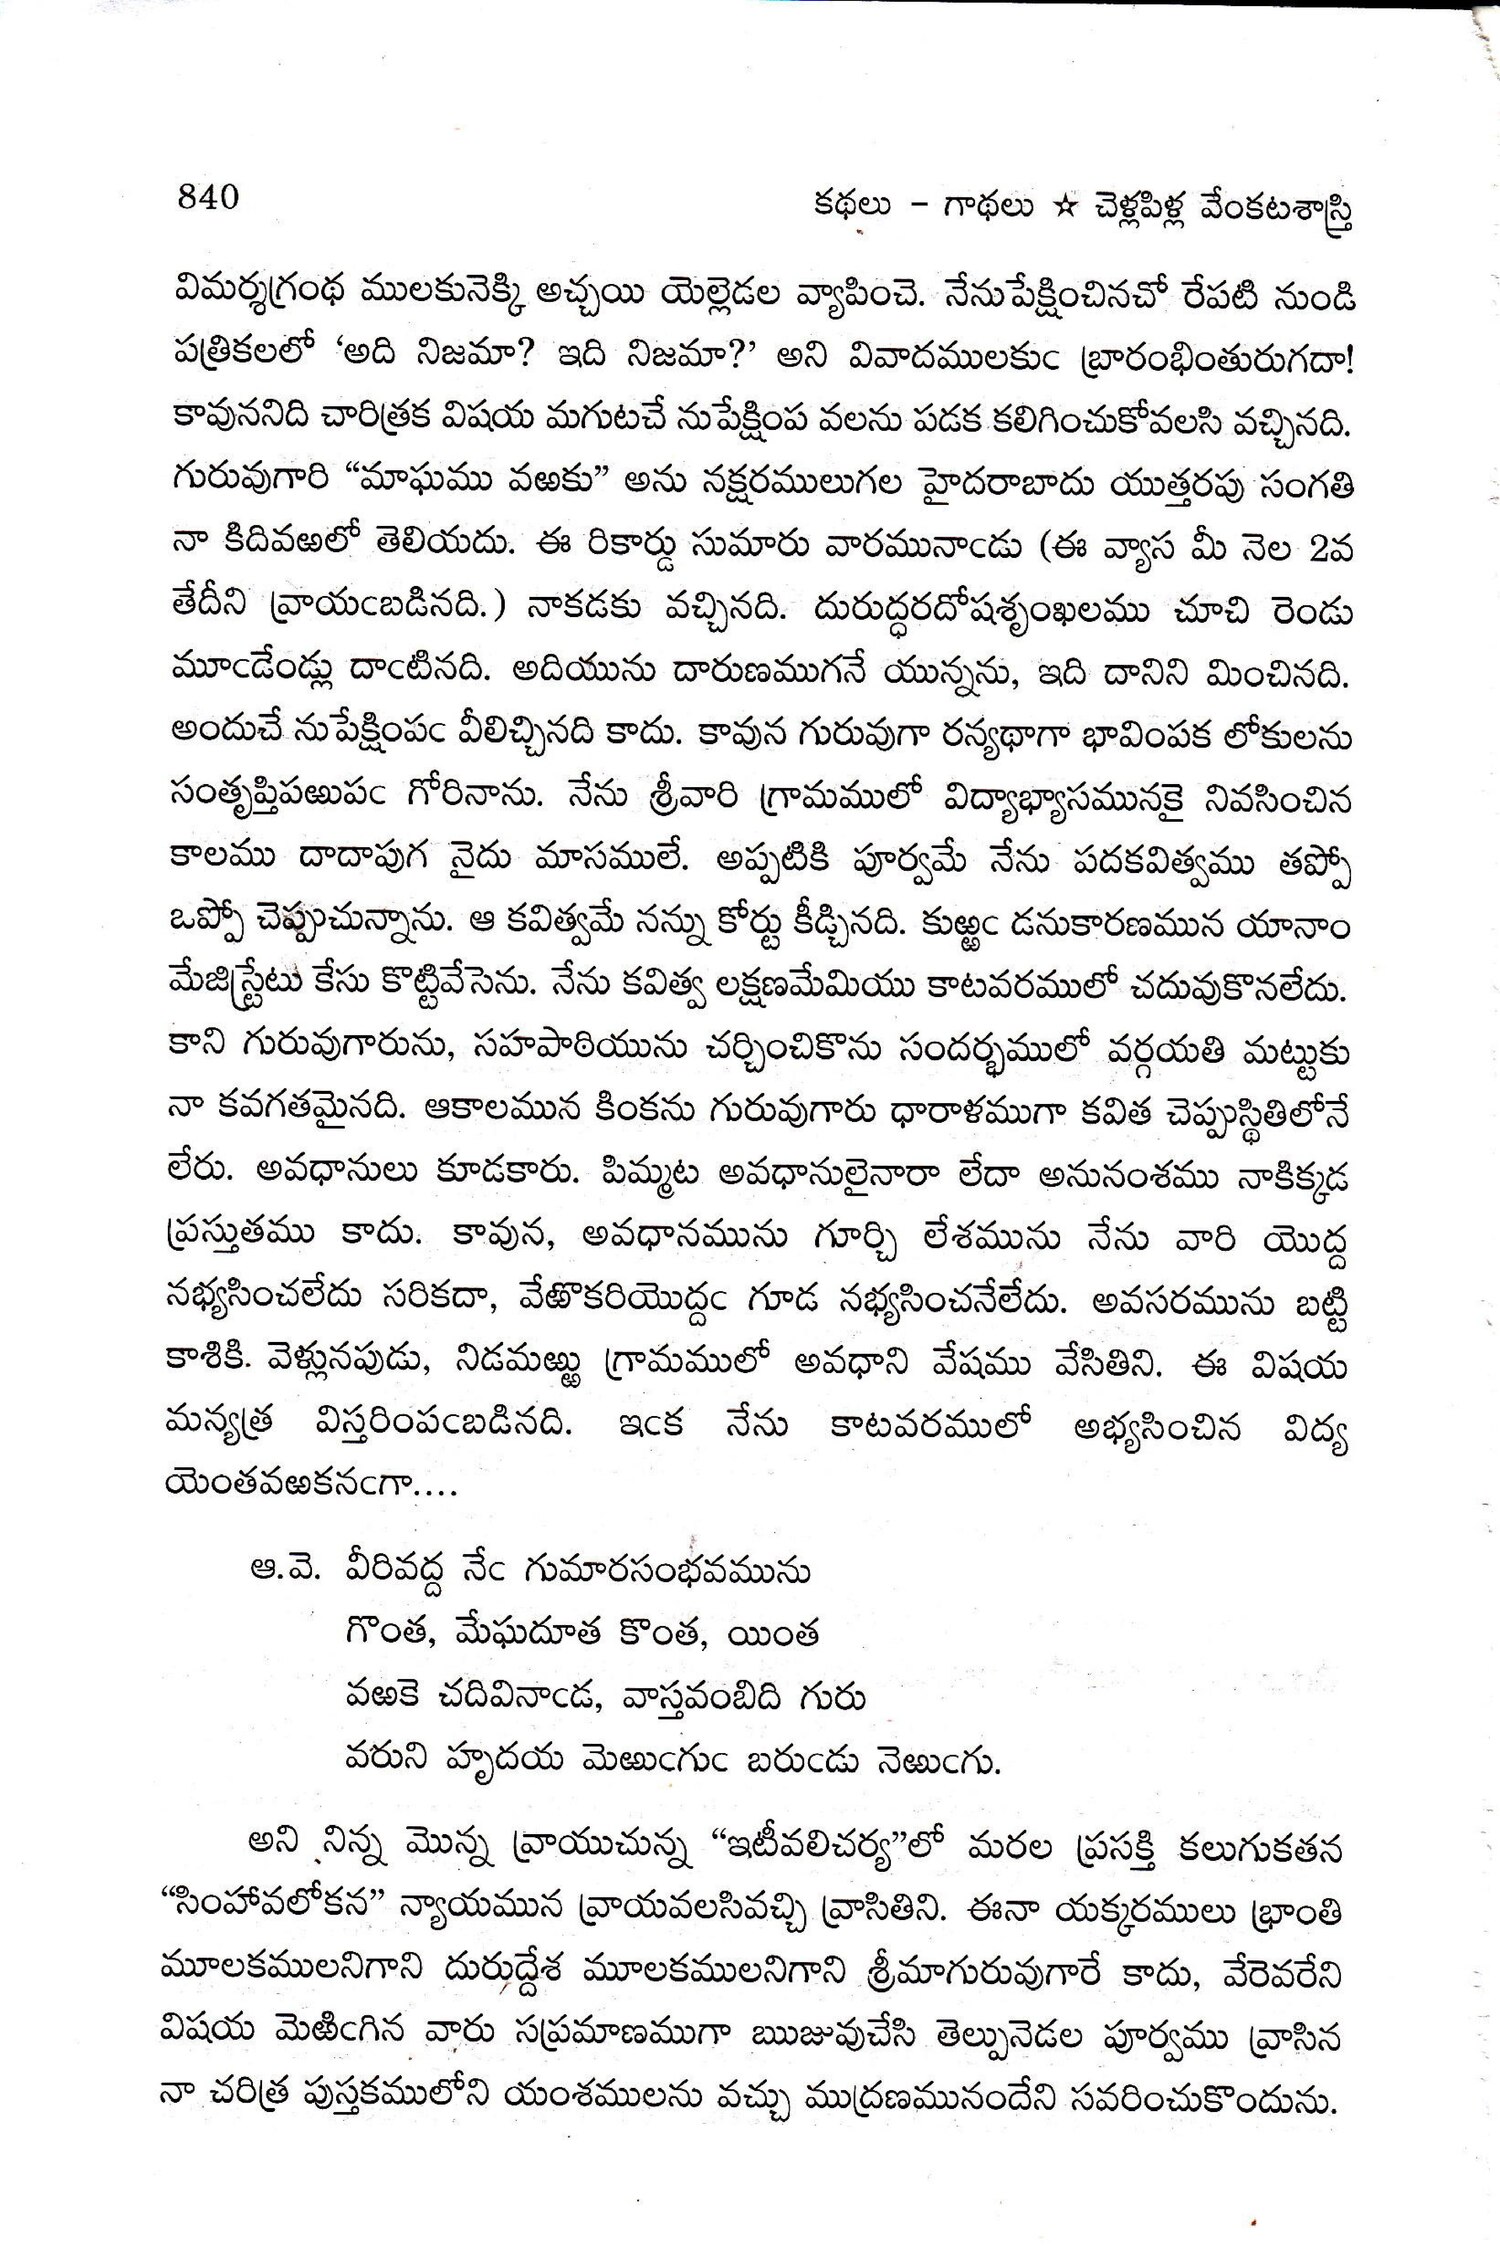విమర్శగ్రంథ ములకునెక్కి అచ్చయి యెల్లెడల వ్యాపించె. నేనుపేక్షించినచో రేపటి నుండి పత్రికలలో ‘అది నిజమా? ఇది నిజమా? అని వివాదములకుఁ బ్రారంభింతురుగదా! కావుననిది చారిత్రక విషయ మగుటచే నుపేక్షింప వలను పడక కలిగించుకోవలసి వచ్చినది. గురువుగారి “మాఘము వఱకు” అను నక్షరములుగల హైదరాబాదు యుత్తరపు సంగతి నా కిదివఱలో తెలియదు. ఈ రికార్డు సుమారు వారమునాఁడు (ఈ వ్యాస మీ నెల 2వ తేదీని వ్రాయఁబడినది.) నాకడకు వచ్చినది. దురుద్ధరదోషశృంఖలము చూచి రెండు మూఁడేండ్లు దాఁటినది. అదియును దారుణముగనే యున్నను, ఇది దానిని మించినది. అందుచే నుపేక్షింపఁ వీలిచ్చినది కాదు. కావున గురువుగా రన్యథాగా భావింపక లోకులను సంతృప్తిపఱుపఁ గోరినాను. నేను శ్రీవారి గ్రామములో విద్యాభ్యాసమునకై నివసించిన కాలము దాదాపుగ నైదు మాసములే. అప్పటికి పూర్వమే నేను పదకవిత్వము తప్పో ఒప్పో చెప్పుచున్నాను. ఆ కవిత్వమే నన్ను కోర్టు కీడ్చినది. కుఱ్ఱఁ డనుకారణమున యానాం మేజిస్ట్రేటు కేసు కొట్టివేసెను. నేను కవిత్వ లక్షణమేమియు కాటవరములో చదువుకొనలేదు. కాని గురువుగారును, సహపాఠియును చర్చించికొను సందర్భములో వర్గయతి మట్టుకు నా కవగతమైనది. ఆకాలమున కింకను గురువుగారు ధారాళముగా కవిత చెప్పుస్థితిలోనే లేరు. అవధానులు కూడకారు. పిమ్మట అవధానులైనారా లేదా అనునంశము నాకిక్కడ ప్రస్తుతము కాదు. కావున, అవధానమును గూర్చి లేశమును నేను వారి యొద్ద నభ్యసించలేదు సరికదా, వేఱొకరియొద్దఁ గూడ నభ్యసించనేలేదు. అవసరమును బట్టి కాశికి వెళ్లునపుడు, నిడమఱ్ఱు గ్రామములో అవధాని వేషము వేసితిని. ఈ విషయ మన్యత్ర విస్తరింపఁబడినది. ఇఁక నేను కాటవరములో అభ్యసించిన విద్య యొంతవఱకనఁగా....

ఆ.వె. వీరివద్ద నేఁ గుమారసంభవమును 
 గొంత, మేఘదూత కొంత, యింత 
 వఱకె చదివినాఁడ, వాస్తవంబిది గురు 
 వరుని హృదయ మెఱుఁగుఁ బరుఁడు నెఱుఁగు.
అని నిన్న మొన్న వ్రాయుచున్న "ఇటీవలిచర్య"లో మరల ప్రసక్తి కలుగుకతన “సింహావలోకన” న్యాయమున వ్రాయవలసివచ్చి వ్రాసితిని. ఈనా యక్కరములు భ్రాంతి మూలకములనిగాని దురుద్దేశ మూలకములనిగాని శ్రీమాగురువుగారే కాదు, వేరెవరేని విషయ మెఱిఁగిన వారు సప్రమాణముగా ఋజువుచేసి తెల్పునెడల పూర్వము వ్రాసిన నా చరిత్ర పుస్తకములోని యంశములను వచ్చు ముద్రణమునందేని సవరించుకొందును.